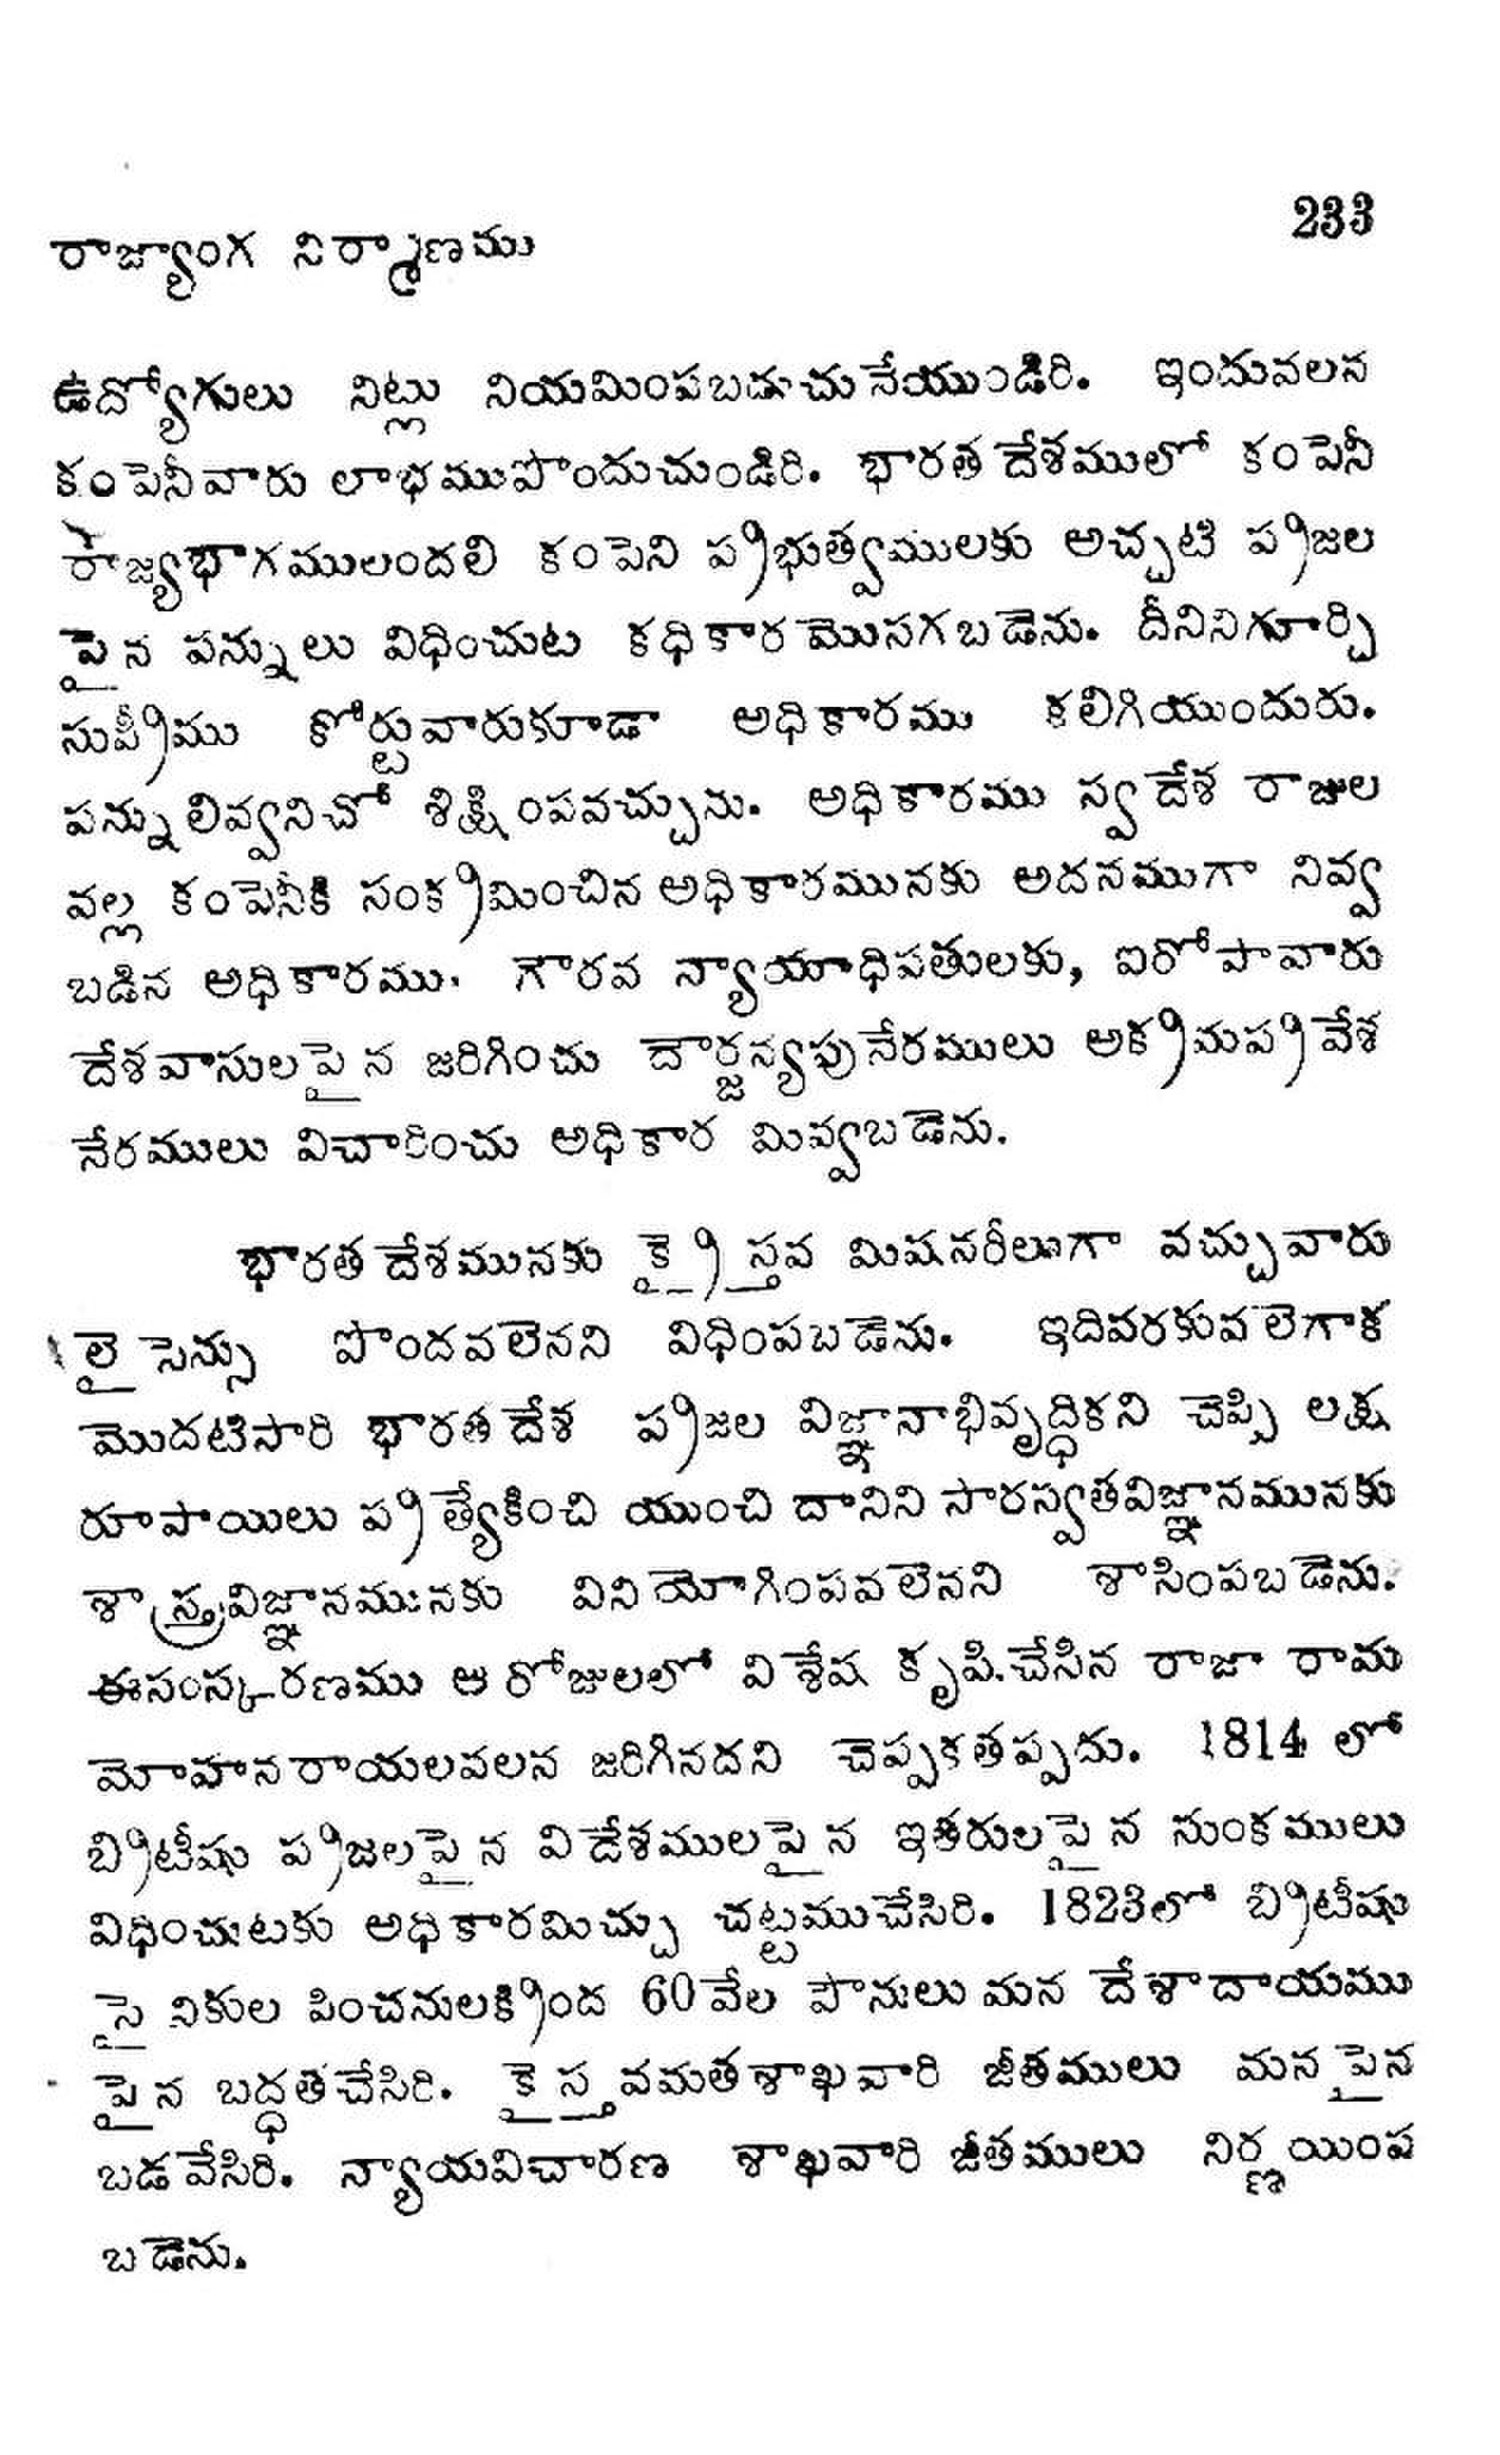ఉద్యోగులు నిట్లు నియమింపబడుచునేయుండిరి. ఇందువలన కంపెనీవారు లాభముపొందుచుండిరి. భారతదేశములో కంపెనీ రాజ్యభాగములందలి కంపెని ప్రభుత్వములకు అచ్చటి ప్రజలపైన పన్నులు విధించుట కధికారమొసగబడెను. దీనినిగూర్చి సుప్రీము కోర్టువారుకూడా అధికారము కలిగియుందురు. పన్నులివ్వనిచో శిక్షింపవచ్చును. అధికారము స్వదేశ రాజులవల్ల కంపెనీకి సంక్రమించిన అధికారమునకు అదనముగా నివ్వబడిన అధికారము. గౌరవ న్యాయాధిపతులకు, ఐరోపావారు దేశవాసులపైన జరిగించు దౌర్జన్యపునేరములు అక్రమప్రవేశ నేరములు విచారించు అధికార మివ్వబడెను.

భారతదేశమునకు క్రైస్తవ మిషనరీలుగా వచ్చువారు లైసెన్సు పొందవలెనని విధింపబడెను. ఇదివరకువలెగాక
మొదటిసారి భారతదేశ ప్రజల విజ్ఞానాభివృద్ధికని చెప్పి లక్ష రూపాయిలు ప్రత్యేకించి యుంచి దానిని సారస్వత విజ్ఞానమునకు శాస్త్రవిజ్ఞానమునకు వినియోగింపవలెనని శాసింపబడెను. ఈసంస్కరణము ఆ రోజులలో విశేష కృపిచేసిన రాజా రామమోహనరాయలవలన జరిగినదని చెప్పకతప్పదు. 1814 లో బ్రిటీషు ప్రజలపైన విదేశములపైన ఇతరులపైన సుంకములు విధించుటకు అధికారమిచ్చు చట్టముచేసిరి. 1823లో బ్రిటీషు సైనికుల పించనులక్రింద 60 వేల పౌనులు మన దేశాదాయముపైన బద్దతచేసిరి. క్రైస్తవమతశాఖవారి జీతములు మనపైన బడవేసిరి. న్యాయవిచారణ శాఖవారి జీతములు నిర్ణయింపబడెను.